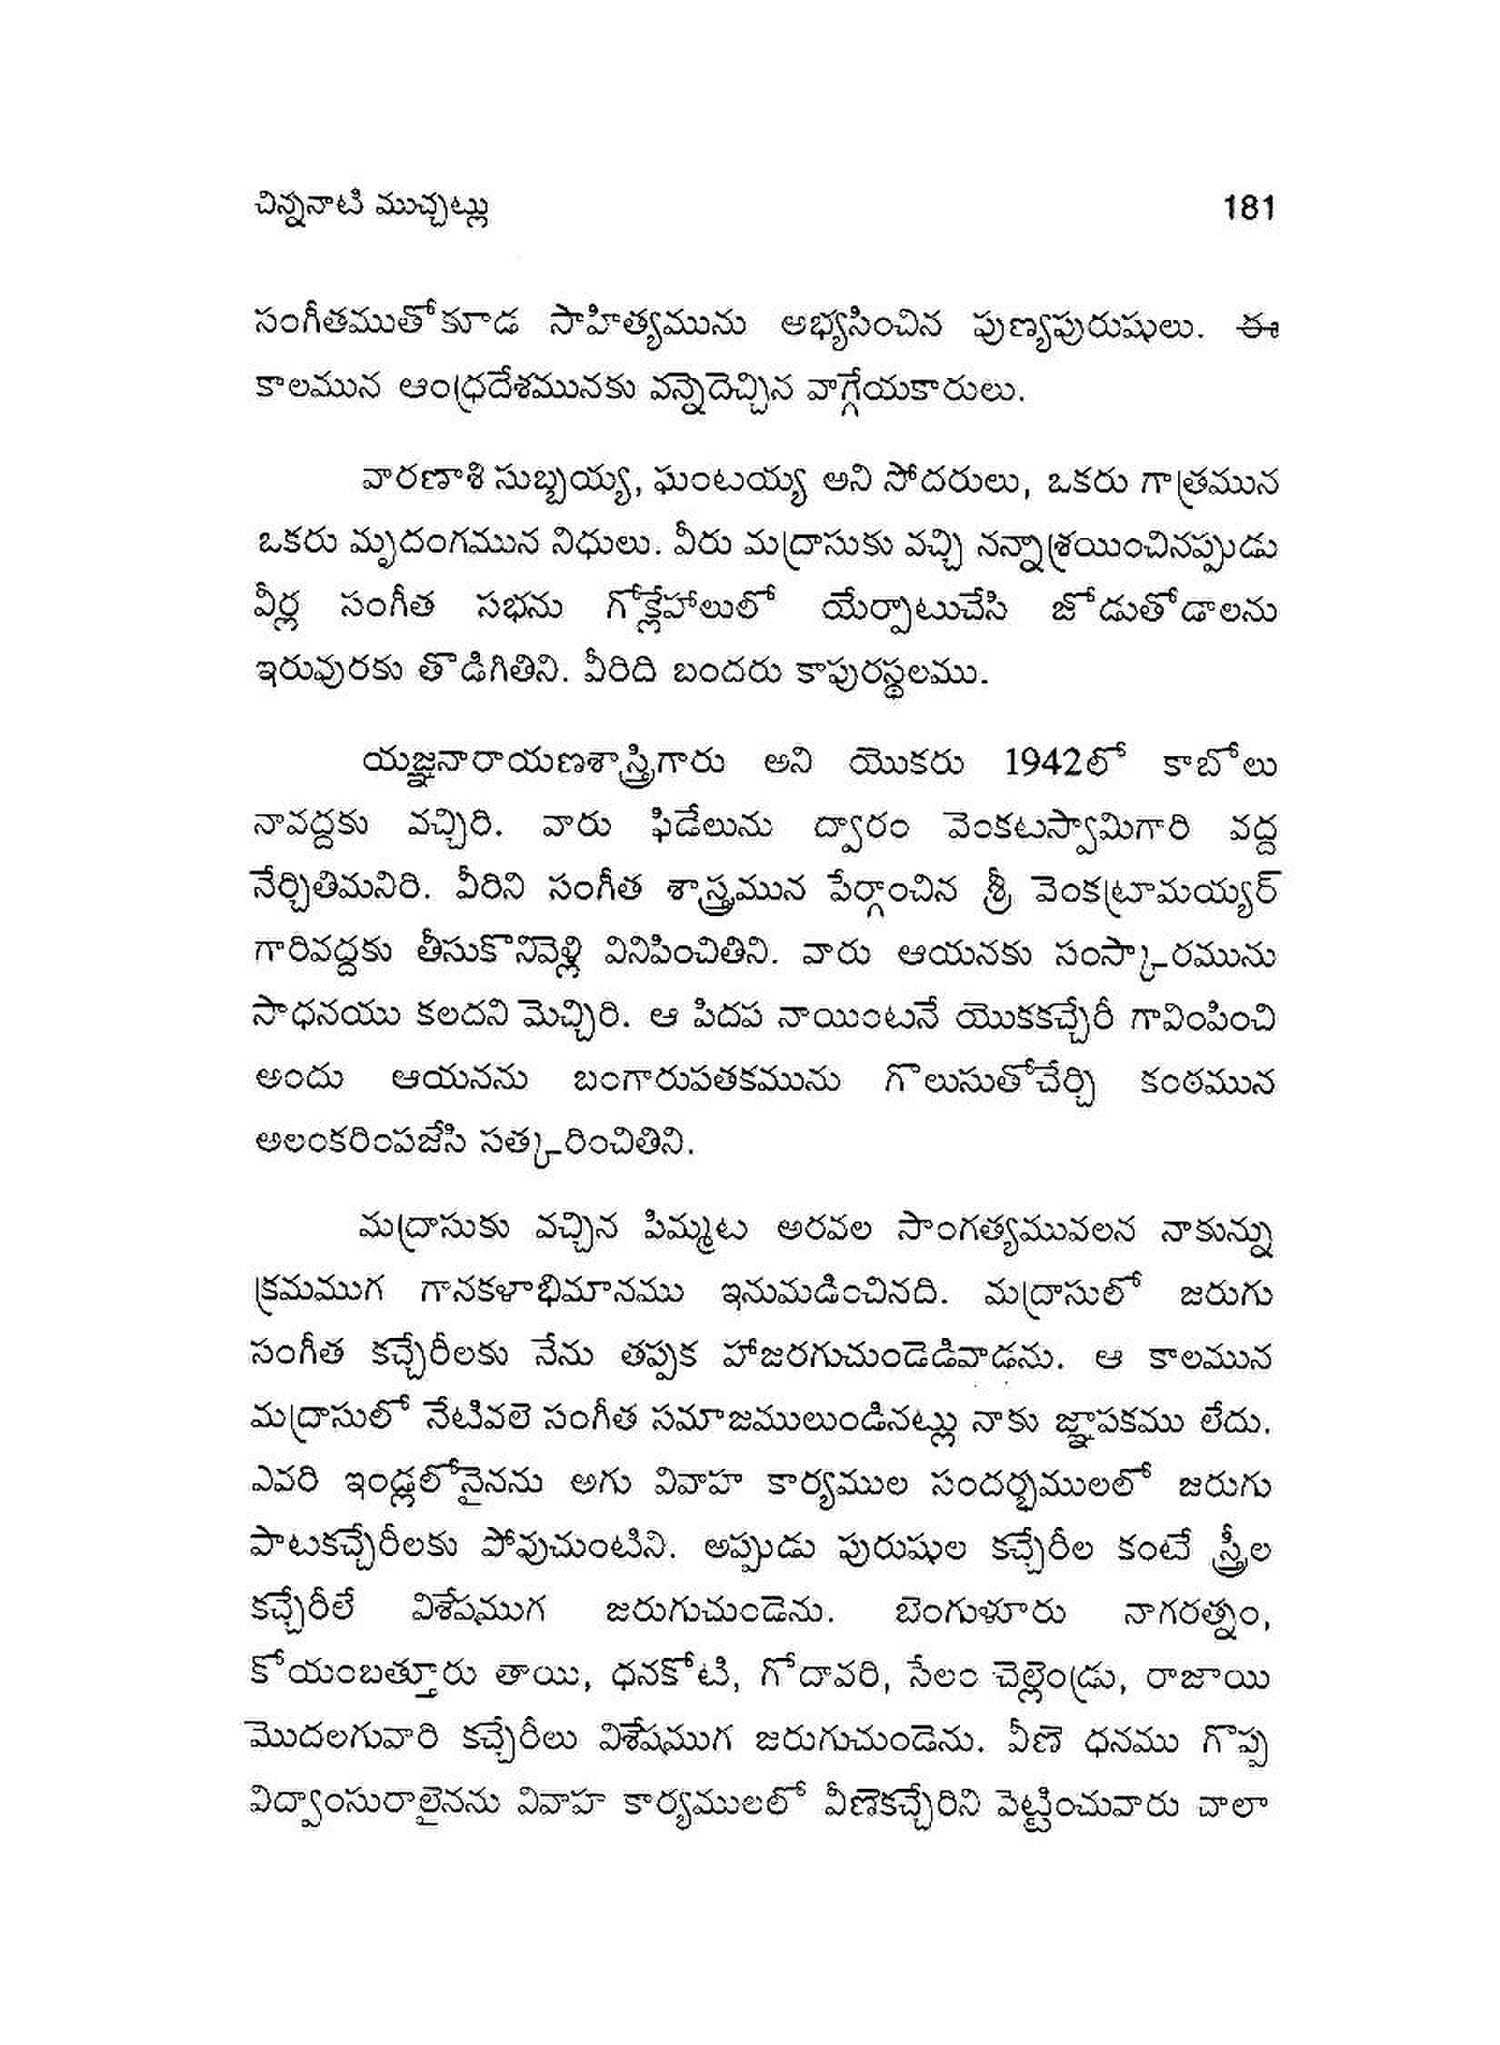సంగీతముతో కూడ సాహిత్యమును అభ్యసించిన పుణ్యపురుషులు. ఈ కాలమున ఆంధ్రదేశమునకు వన్నెదెచ్చిన వాగ్గేయకారులు.

వారణాశి సుబ్బయ్య, ఘంటయ్య అని సోదరులు, ఒకరు గాత్రమున ఒకరు మృదంగమున నిధులు. వీరు మద్రాసుకు వచ్చి నన్నాశ్రయించినప్పుడు వీర్ల సంగీత సభను గోక్లేహాలులో యేర్పాటుచేసి జోడుతోడాలను ఇరువురకు తొడిగితిని. వీరిది బందరు కాపురస్థలము.

యజ్ఞనారాయణశాస్త్రిగారు అని యొకరు 1942లో కాబోలు నావద్దకు వచ్చిరి. వారు ఫిడేలును ద్వారం వెంకటస్వామిగారి వద్ద నేర్చితిమనిరి. వీరిని సంగీత శాస్త్రమున పేర్గాంచిన శ్రీ వెంకట్రామయ్యర్ గారివద్దకు తీసుకొనివెళ్లి వినిపించితిని. వారు ఆయనకు సంస్కారమును సాధనయు కలదని మెచ్చిరి. ఆ పిదప నాయింటనే యొకకచ్చేరీ గావింపించి అందు ఆయనను బంగారుపతకమును గొలుసుతో చేర్చి కంఠమున అలంకరింపజేసి సత్కరించితిని.

మద్రాసుకు వచ్చిన పిమ్మట అరవల సాంగత్యమువలన నాకున్ను క్రమముగ గానకళాభిమానము ఇనుమడించినది. మద్రాసులో జరుగు సంగీత కచ్చేరీలకు నేను తప్పక హాజరగుచుండెడివాడను. ఆ కాలమున మద్రాసులో నేటివలె సంగీత సమాజములుండినట్లు నాకు జ్ఞాపకము లేదు. ఎవరి ఇండ్లలోనైనను అగు వివాహ కార్యముల సందర్భములలో జరుగు పాటకచ్చేరీలకు పోవుచుంటిని, అప్పుడు పురుషుల కచేరీల కంటే స్త్రీల కచ్చేరీలే విశేషముగ జరుగుచుండెను. బెంగుళూరు నాగరత్నం, కోయంబత్తూరు తాయి, ధనకోటి, గోదావరి, సేలం చెల్లెండ్రు, రాజాయి మొదలగువారి కచ్చేరీలు విశేషముగ జరుగుచుండెను. వీణె ధనము గొప్ప విద్వాంసురాలైనను వివాహ కార్యములలో వీణికచ్చేరిని పెట్టించువారు చాలా